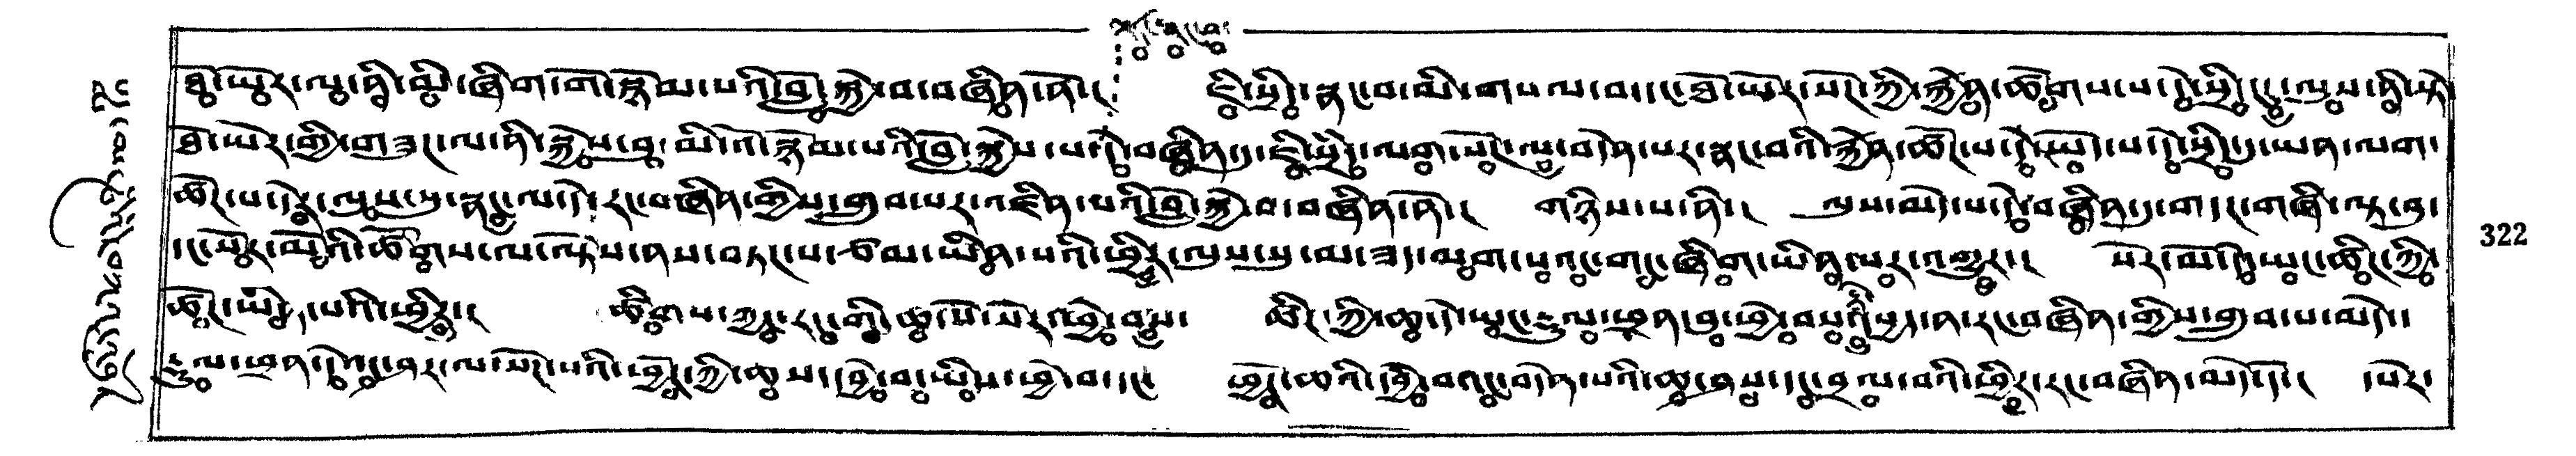ཐོ་ཡོར་ལ་ནི་མི་ཞིག་གོ་སྙམ་པའི་བློ་སྐྱེ་བ་བཞིན་ནོ།། ཇི་སྲིད་སྣང་བ་མི་གསལ་བ་དང་ཐོ་ཡོར་སོགས་ཀྱི་རྐྱེན་ཚོགས་པ་དེ་སྲིད་དུ་ལུས་ནི་སྟེ་
ཐོ་ཡོར་གྱི་གཟུགས་ལ་ནི་སྐྱེས་བུ་མིའོ་སྙམ་པའི་བློ་སྐྱེས་པ་ལྟར་སྣང་བ་དེ་བཞིན་དུ་ཇི་སྲིད་ལག་སོགས་ལ་བདེན་པར་སྣང་བའི་རྐྱེན་ཚོགས་པ་དེ་ཡོད་པ་དེ་སྲིད་དུ་ཡན་ལག་
ཚོགས་པ་དེར་ལུས་སུ་སྣང་ལ་དེ་རང་བཞིན་གྱིས་གྲུབ་པར་འཛིན་པའི་བློ་སྐྱེ་བ་བཞིན་ནོ།། གཉིས་པ་ནི། ལུས་མེད་པ་དེ་བཞིན་དུ་གདགས་གཞི་ལྟ་བུ་
དང་སོར་མོའི་ཚོགས་ལ་ལྟོས་ནས་བཏགས་པ་ཙམ་ཡིན་པའི་ཕྱིར་ལུས་སུ་མ་ཟད་ལག་པའང་གང་ཞིག་ཡིན་པར་འགྱུར། སོར་མོ་དེ་ཡང་ཚིགས་ཀྱི་
ཚོགས་ཡིན་པའི་ཕྱིར། ཚིགས་ཀྱང་རང་གི་ཆ་སོ་སོར་ཕྱེ་བས། ཚིགས་ཀྱི་ཆ་དེ་ཡང་རྡུལ་ཕྲན་དུ་ཕྱེ་བས་སྟེ་དཔྱད་ན་རང་བཞིན་གྱིས་གྲུབ་པ་མེད། 
རྡུལ་ཕྲན་དེའང་ཤར་ལ་སོགས་པའི་ཕྱོགས་ཀྱི་ཆས་དབྱེ་བ་ཡིས་ཕྱེ་བ་དང་། ཕྱོགས་ཆའི་དབྱེ་བའང་བདེན་པའི་ཆ་ཤས་དང་བྲལ་བའི་ཕྱིར་རང་བཞིན་མེད་དོ།། དཔེར་